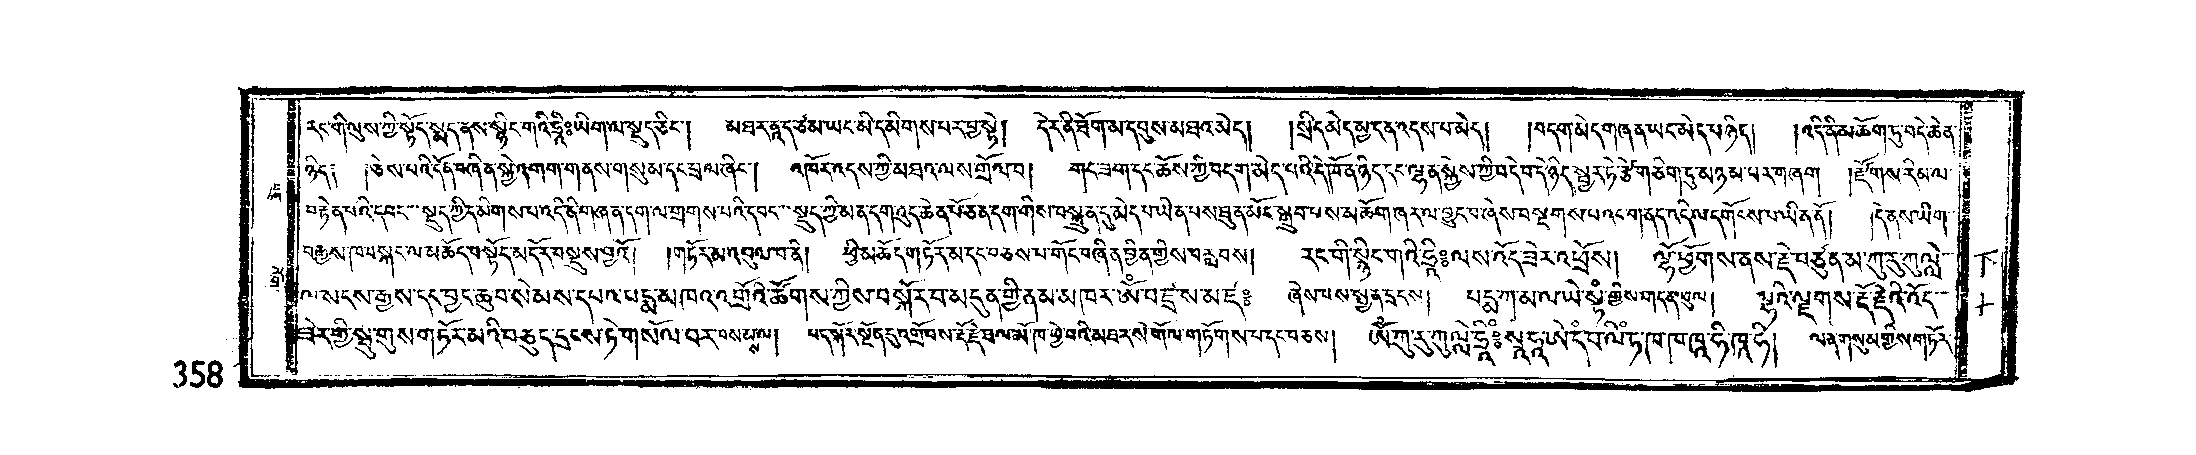རང་གི་ལུས་ཀྱི་སྟོད་སྨད་ནས་སྙིང་གའི་ཧྲཱིཿ ཡིག་ལ་སྡུད་ཅིང་། མཐར་ནཱ་ད་ཙམ་ཡང་མི་དམིགས་པར་བྱ་སྟེ། དེར་ནི་ཐོག་མ་དབུས་མཐའ་མེད། །སྲིད་མེད་མྱ་ངན་འདས་པ་མེད། །བདག་མེད་གཞན་ཡང་མེད་པ་ཉིད། །འདི་ནི་མཆོག་ཏུ་བདེ་ཆེན་
ཉིད། །ཅེས་པའི་དོན་བཞིན་སྐྱེ་འགག་གནས་གསུམ་དང་བྲལ་ཞིང་། འཁོར་འདས་ཀྱི་མཐའ་ལས་གྲོལ་བ། གང་ཟག་དང་ཆོས་ཀྱི་བདག་མེད་པའི་དེ་ཁོ་ན་ཉིད་དང་ལྷན་སྐྱེས་ཀྱི་བདེ་བ་དེ་ཉིད་སྦྱར་ཏེ་རྩེ་གཅིག་ཏུ་མཉམ་པར་གཞག །རྫོགས་རིམ་ལ་
བརྟེན་པའི་དབང་སྡུད་ཀྱི་དམིགས་པ་འདི་ནི་གཞན་དག་ལ་གྲགས་པའི་དབང་སྡུད་ཀྱི་མན་དག་འུད་ཆེན་པོ་ཅན་དག་གིས་བསྐྲུན་དུ་མེད་པ་ཡིན་པས་ཐུན་མོང་སྒྲུབ་པས་མཆོག་ཞར་ལ་བྱུང་བ་ཞེས་བསྔགས་པའང་གནད་འདི་ལ་དགོངས་པ་ཡིན་ནོ། །དེ་ནས་ཡིག་
བརྒྱས་ཁ་བསྐང་ལ་མཆོད་བསྟོད་མདོར་བསྡུས་བྱའོ། །གཏོར་མ་འབུལ་བ་ནི། ཕྱི་མཆོད་གཏོར་མ་དང་བཅས་པ་གོང་བཞིན་བྱིན་གྱིས་བརླབས། རང་གི་སྙིང་གའི་ཧྲཱིཿ ལས་འོད་ཟེར་འཕྲོས། ལྷོ་ཕྱོགས་ནས་རྗེ་བཙུན་མ་ཀུ་རུ་ཀུ་ལླེ་
ལ་སངས་རྒྱས་དང་བྱང་ཆུབ་སེམས་དཔའ་པདམ་མཁའ་འགྲོའི་ཚོགས་ཀྱིས་བསྐོར་བ་མདུན་གྱི་ནམ་མཁར་ཨོཾ་བཛྲ་ས་མ་ཛཿ ཞེས་པས་སྤྱན་དྲངས། པདམ་ཀ་མ་ལ་ཡེ་སྟཾ་གྱིས་གདན་ཕུལ། ལྷའི་ལྗགས་རྡོ་རྗེའི་འོད་
ཟེར་གྱི་སྦུ་གུས་གཏོར་མའི་བཅུད་དྲངས་ཏེ་གསོལ་བར་བསམས་ལ། པད་སྐོར་སྔོན་དུ་འགྲོ་བས་རྡོ་རྗེ་ཐལ་མོ་ཁ་ཕྱེ་བའི་མཐར་སེ་གོལ་གཏོགས་པ་དང་བཅས། ཨོཾ་ཀུ་རུ་ཀུ་ལླེ་ཧྲཱིཿ སྭཱཧཱ་ཨེ་དཾ་པ་ལིཾ་ཏ་ཁ་ཁ་ཁཱ་ཧི་ཁཱ་ཧི། ལན་གསུམ་གྱིས་གཏོར་